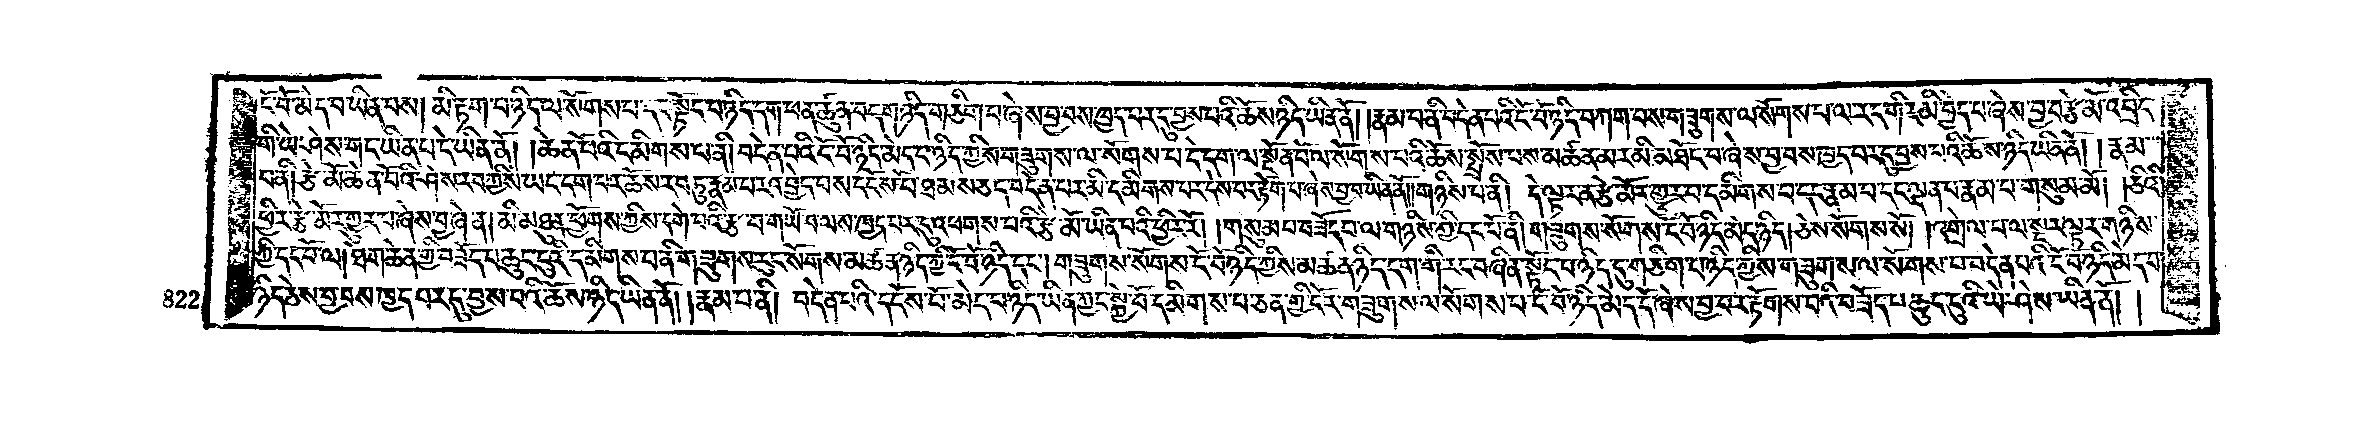ངོ་བོ་མེད་པ་ཡིན་པས། མི་རྟག་པ་ཉིད་ལ་སོགས་པ་དང་སྟོང་པ་ཉིད་དག་ཕན་ཚུན་བདག་ཉིད་གཅིག་པ་ཞེས་བྱ་བས་ཁྱད་པར་དུ་བྱས་པའི་ཆོས་ཉིད་ཡིན་ནོ། །རྣམ་པ་ནི་བདེན་པའི་ངོ་བོ་ཉིད་བཀག་པས་གཟུགས་ལ་སོགས་པ་ལ་རང་གིར་མི་བྱེད་པ་ཞེས་བྱ་བ་རྩེ་མོ་འབྲིང་
གི་ཡེ་ཤེས་གང་ཡིན་པ་དེ་ཡིན་ནོ། །ཆེན་པོའི་དམིགས་པ་ནི། བདེན་པའི་ངོ་བོ་ཉིད་མེད་པ་ཉིད་ཀྱིས་གཟུགས་ལ་སོགས་པ་དེ་དག་ལ་སྔོན་པོ་ལ་སོགས་པའི་ཆོས་སྤྲོས་པས་མཚན་མར་མི་མཐོང་བ་ཞེས་བྱ་བས་ཁྱད་པར་དུ་བྱས་པའི་ཆོས་ཉིད་ཡིན་ནོ། །རྣམ་
པ་ནི། རྩེ་མོ་ཆེན་པོའི་ཤེས་རབ་ཀྱིས་ཡང་དག་པར་ཆོས་རབ་ཏུ་རྣམ་པར་འབྱེད་པས་དངོས་པོ་ཐམས་ཅད་བདེན་པར་མི་དམིགས་པར་ངེས་པར་རྟོག་པ་ཞེས་བྱ་བ་ཡིན་ནོ། །གཉིས་པ་ནི། དེ་ལྟར་ན་རྩེ་མོར་གྱུར་བ་དམིགས་པ་དང་རྣམ་པ་དང་ལྡན་པ་རྣམ་པ་གསུམ་མོ། །ཅིའི་
ཕྱིར་རྩེ་མོར་གྱུར་པ་ཞེས་བྱ་ཞེ་ན། མི་མཐུན་ཕྱོགས་ཀྱིས་དགེ་བའི་རྩ་བ་གཡོ་བ་ལས་ཁྱད་པར་དུ་འཕགས་པའི་རྩེ་མོ་ཡིན་པའི་ཕྱིར་རོ། །གསུམ་པ་བཟོད་པ་ལ་གཉིས་ཀྱི་དང་པོ་ནི། །གཟུགས་སོགས་ངོ་བོ་ཉིད་མེད་ཉིད། ཅེས་སོགས་སོ། །འགྲེལ་པ་ལ་སྔར་ལྟར་གཉིས་
ཀྱི་དང་པོ་ལ། ཐེག་ཆེན་གྱི་བཟོད་པ་ཆུང་ངུའི་དམིགས་པ་ནི་གཟུགས་རུང་སོགས་མཚན་ཉིད་ཀྱི་ངོ་བོ་ཉིད་དང་། གཟུགས་སོགས་ངོ་བོ་ཉིད་ཀྱིས་མཚན་ཉིད་དག་གི་རང་བཞིན་སྟོང་པ་ཉིད་དུ་གཅིག་པ་ཉིད་ཀྱིས་གཟུགས་ལ་སོགས་པ་བདེན་པའི་ངོ་བོ་ཉིད་མེད་པ་
ཉིད་ཅེས་བྱ་བས་ཁྱད་པར་དུ་བྱས་པའི་ཆོས་ཉིད་ཡིན་ནོ། །རྣམ་པ་ནི། བདེན་པའི་དངོས་པོ་མེད་པ་ཉིད་ཡིན་ཀྱང་སྐྱེ་བོ་དམིགས་པ་ཅན་གྱི་ངོར་གཟུགས་ལ་སོགས་པ་ངོ་བོ་ཉིད་མེད་དོ་ཞེས་བྱ་བར་རྟོགས་པའི་བཟོད་པ་ཆུང་ངུའི་ཡེ་ཤེས་ཡིན་ནོ། །